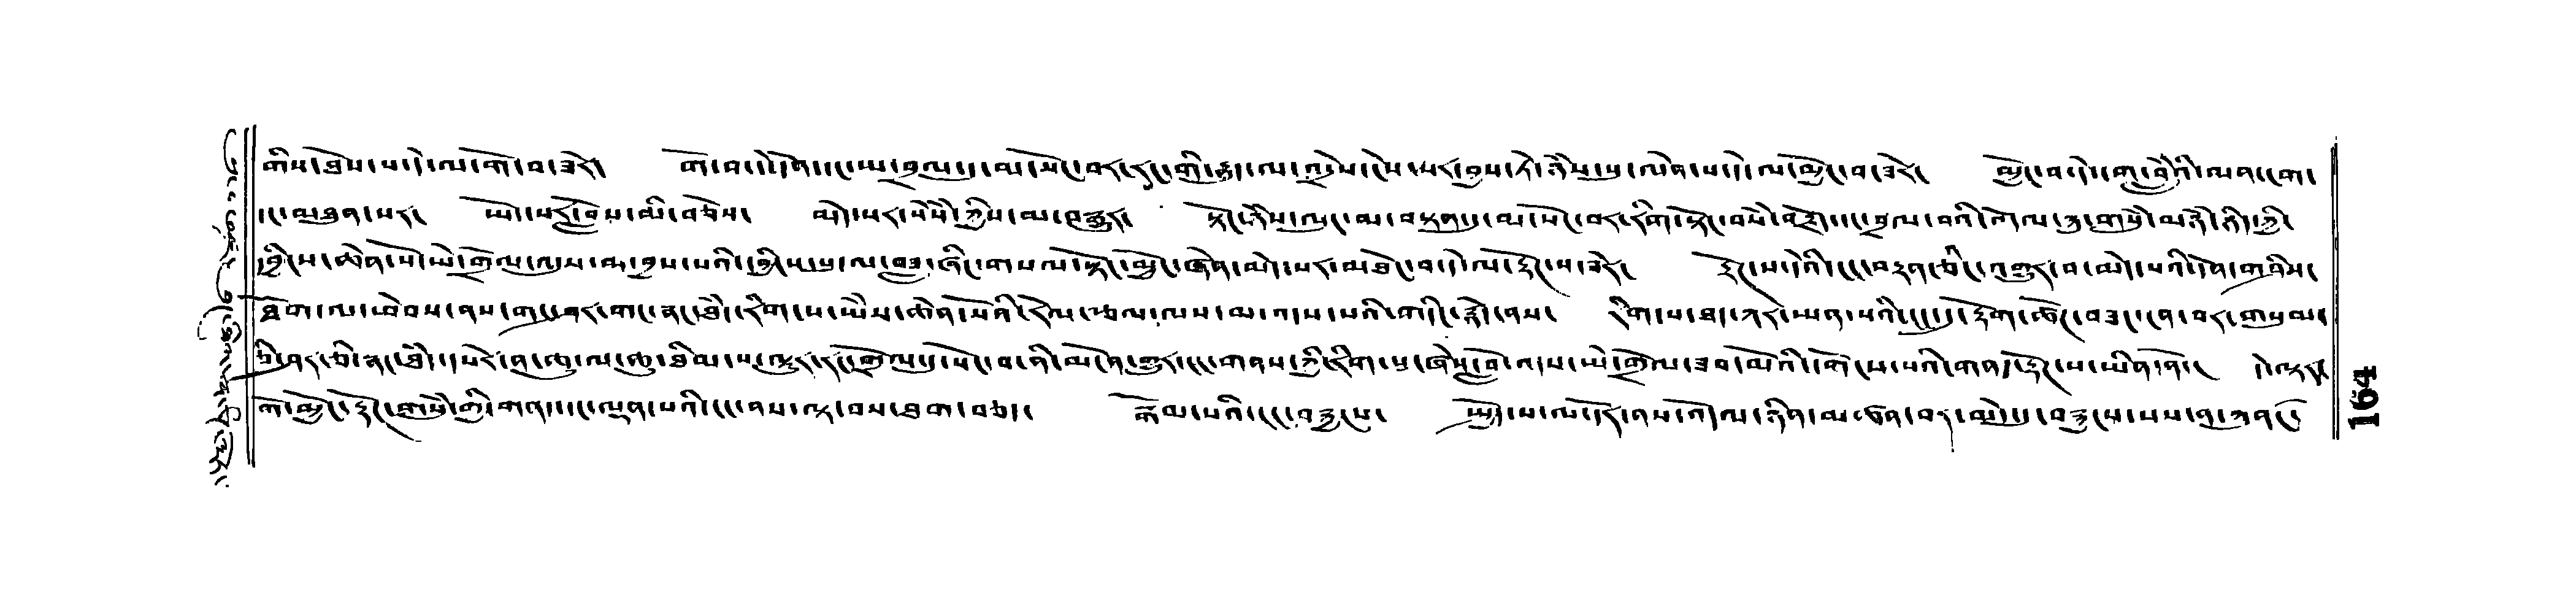གིས་ཐོས་པ་དེ་ལ་གོ་བ་ཟེར། གོ་བ་དེ་དོན་དང་ཡ་བྲལ་དུ་མ་སོང་བར་རང་གི་རྒྱུད་ལ་འདྲེས་ངེས་པར་བྱས་ཏེ་ཉམས་སུ་ལེན་པ་དེ་ལ་མྱོང་བ་ཟེར། མྱོང་བ་དེ་དག་བླ་མའི་མན་ངག་
དང་མཐུན་པར། ཡོད་པར་བློས་མི་བཅོས། མེད་པར་སེམས་ཀྱིས་མ་བསྒྱུར། སྟོང་ཉམས་ལུང་མ་བསྟན་དུ་མ་སོང་བར་རིག་སྟོང་བསམ་བརྗོད་དང་བྲལ་བའི་འོད་གསལ་སྐུ་གསུམ་མཉམ་ཉིད་ཀྱི་
དབྱིངས་ཆེན་པོ་ཡེ་གྲོལ་འདུས་མ་བྱས་པའི་དབྱིངས་སུ་ལ་བཟླ་ཞིང་གསལ་སྟོང་མྱོང་ཞེན་མེད་པར་མཐོང་བ་དེ་ལ་རྟོགས་པ་ཟེར།རྟོགས་པ་དེའི་ངང་བརྟན་ཅིང་འགྱུར་བ་མེད་པའི་དོན་གཤིས་
ཐོག་ལ་ཕེབས་ནས་གང་ཤར་གང་སྣང་ཐམས་ཅད་རིག་པ་ཡེ་ཤེས་ཆེན་པོའི་རོལ་རྩལ་ལས་མ་འདས་པའི་གདིང་རྙེད་ནས། རིག་པ་ཐད་ཀར་ཡན་པའི་ངང་དུ་རྟོག་ཚོགས་བཟང་ངན་བར་གསུམ་
ཅི་ཤར་ཅི་སྣང་ཐམས་ཅད་དཔེར་ན་ཆུ་ལ་ཆུ་ཐིམ་པ་ལྟ་བུར་རང་གྲོལ་དུ་སོང་བ་ནི་མངོན་གྱུར་ངང་གནས་ཀྱི་རིག་པ་ཞེས་བློ་འདས་ཡེ་གྲོལ་ཟབ་མོའི་དགོངས་པའི་གནད་རྟོགས་པ་ཡིན་ནོ། དེ་ལྟར་
གོ་མྱོང་རྟོགས་གསུམ་གྱི་གནད་དང་ལྡན་པའི་ངང་ནས་ལྟ་བས་ཐག་བཅད། སྒོམ་པའི་ངང་བསྐྱངས། སྤྱོད་པ་ལ་དོར་ནས་འོད་གསལ་ཉིན་མཚན་བར་མེད་དུ་བསྐྱངས་པས་ན་ཀུན་བཟང་